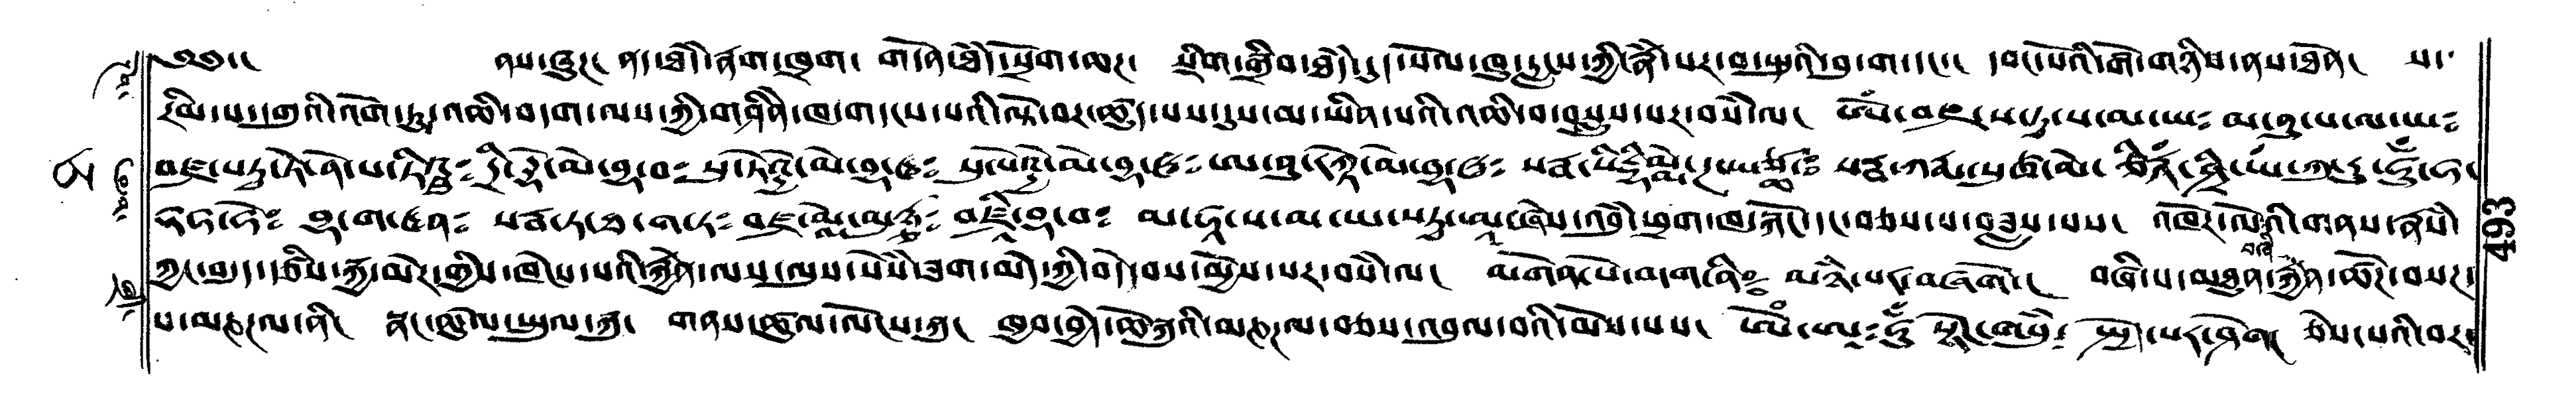ནས་ཞུགས། ནད་ཐམས་ཅད་རྣག་ཁྲག གདོན་ཐམས་ཅད་སྲོག་ཆགས། སྡིག་སྒྲིབ་ཐམས་ཅད་དུད་སོལ་ཁུ་རླངས་ཀྱི་རྣམ་པར་བ་སྤུའི་བུ་ག་དང་། དབང་པོའི་སྒོ་གཉིས་ནས་ཐོན། ས་
རིམ་པ་དགུའི་འོག་ཏུ་འཆི་བདག་ལས་ཀྱི་གཤིན་རྗེ་ཁ་གདངས་པའི་ལྟོ་བར་ཚུད་པས་དུས་མ་ཡིན་པའི་འཆི་བ་བསླུས་པར་བསམ་ལ། ཨོཾ་བཛྲ་ས་ཏྭ་ས་མ་ཡ༔ མ་ནུ་པ་ལ་ཡ༔ 
བཛྲ་སཏྭ་ཏེ་ནོ་པ་ཏིཥྛ༔ དྲི་དྷོ་མེ་བྷ་བ༔ སུ་ཏོརྱོ་མེ་བྷ་ཝ༔ སུ་པོརྱོ་མེ་བྷ་ཝ༔ ཨ་ནུ་རཀྟོ་མེ་བྷ་ཝ༔ སརྦ་སིདྡྷིམྨེ་ཌ་ཡཙྪ༔ སརྦ་ཀརྨ་སུ་ཚ་མེ་ཙིཏཾ་ཤྲཱི་ཡཾ་ཀུ་རུ་ཧཱུྃ་ཧ་
ཧ་ཧ་ཧ་ཧོ༔ བྷ་ག་ཝན༔ སརྦ་ཏ་ཐཱ་ག་ཏ༔ བཛྲ་མྨེ་མུཉྩ༔ བཛྲཱི་བྷ་བ༔ མ་ཧཱ་ས་མ་ཡ་སཏྭ་ཨཱཿ ཞེས་འབུམ་ཕྲག་ཁ་སྐོང་དང་བཅས་པ་བཟླས་པས། འཁོར་ལོ་བཞིའི་གནས་རྣམས་
ཀྱང་བདུད་རྩིས་སྐྱ་མེར་གྱིས་ཁེངས་པའི་རྐྱེན་ལས་ལུས་སེམས་ཟག་མེད་ཀྱི་བདེ་བས་མྱོས་པར་བསམ་ལ། མགོན་པོ་བདག་ནི༴ མཉམ་པར་གཞག་གོ བཞི་བ་མཐུན་རྐྱེན་ཚོགས་བསགས་
པ་མཎྜལ་ནི། སྣང་ཚུལ་སྤྲུལ་སྐུ། གནས་ཚུལ་ལོངས་སྐུ། ཁྱབ་བྱེད་ཆོས་སྐུའི་མཎྜལ་བཅས་འབུལ་བའི་མོས་པས། ཨོཾ་ཨཱ༔ཧཱུྃ༔ སྟོང་གསུམ༴ སྤྱོད་པར་ཤོག༔ ཅེས་པའི་བར་